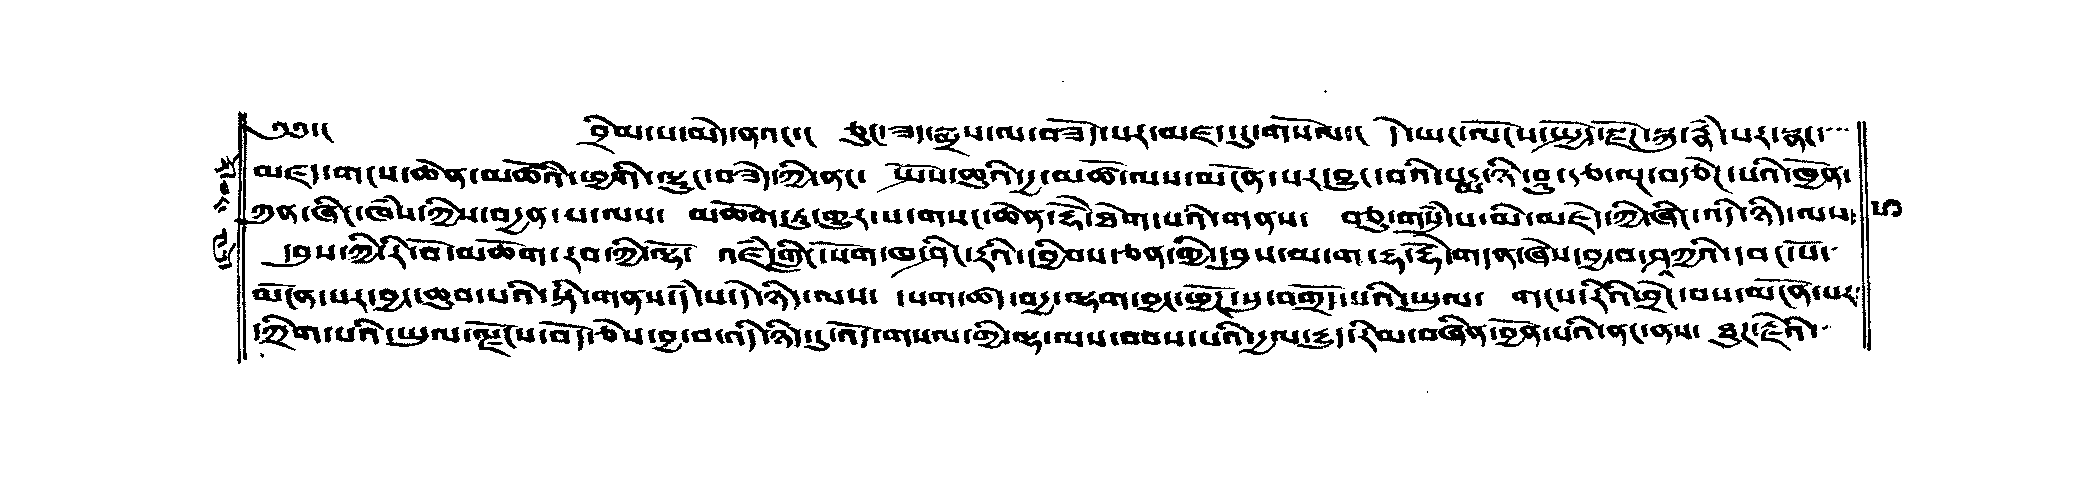བྲིམ་པ་མེད་ནའང་། །ཅུང་ཟད་སྨྲས་ལ་བཟོད་པར་མཛད་དུ་གསོལ། དེ་ཡང་ལོངས་སྤྱོད་རྫོགས་སྐུ་རྣམ་པར་སྣང་
མཛད་གངས་ཆེན་མཚོའི་ཕྱག་གི་ལྷུང་བཟེད་ཀྱི་ནང་། སྤོས་ཆུའི་རྒྱ་མཚོ་ལས་མངོན་པར་བྱུང་བའི་པདྨ་ཉི་ཤུ་རྩ་ལྔ་བརྩེགས་པའི་ཁྱོན་
ཀུན་ཞིང་ཁམས་ཀྱིས་བརྒྱན་པ་ལས། མཆོག་ཏུ་གྱུར་པ་གསང་ཆེན་རྡོ་རྗེ་ཐེག་པའི་གནས། བཅུ་གསུམ་པ་མི་མཇེད་ཀྱི་ཞིང་འདི་ཉིད་ལས། 
དབུས་ཀྱི་རི་བོ་མཆོག་རབ་ཀྱི་ལྷོ། འཛམ་གླིང་སོག་ཁ་ཤིང་རྟའི་དབྱིབས་ཅན་གྱི་དབུས་མ་གྷ་དྷ་རྡོ་རྗེ་གདན་ཞེས་བྱ་བ་ཤཱཀྱའི་དབང་པོ་
མངོན་པར་བྱང་ཆུབ་པའི་བསྟི་གནས་དམ་པ་དེ་ཉིད་ལས། དཔག་ཚད་བརྒྱ་ལྷག་བྱང་ཕྱོགས་སུ་བགྲོད་པའི་ཡུལ། གངས་རིའི་ཕྲེང་བས་མངོན་པར་
དཀྲིགས་པའི་ཡུལ་ལྗོངས་བོད་ཅེས་བྱ་བ་འདི་ཉིད་དུ་འོད་གསལ་གྱི་ལྷ་ལས་བབས་པའི་རྒྱལ་རྒྱུད་རིམ་བཞིན་བྱོན་པའི་ནང་ནས། ཐུགས་རྗེའི་